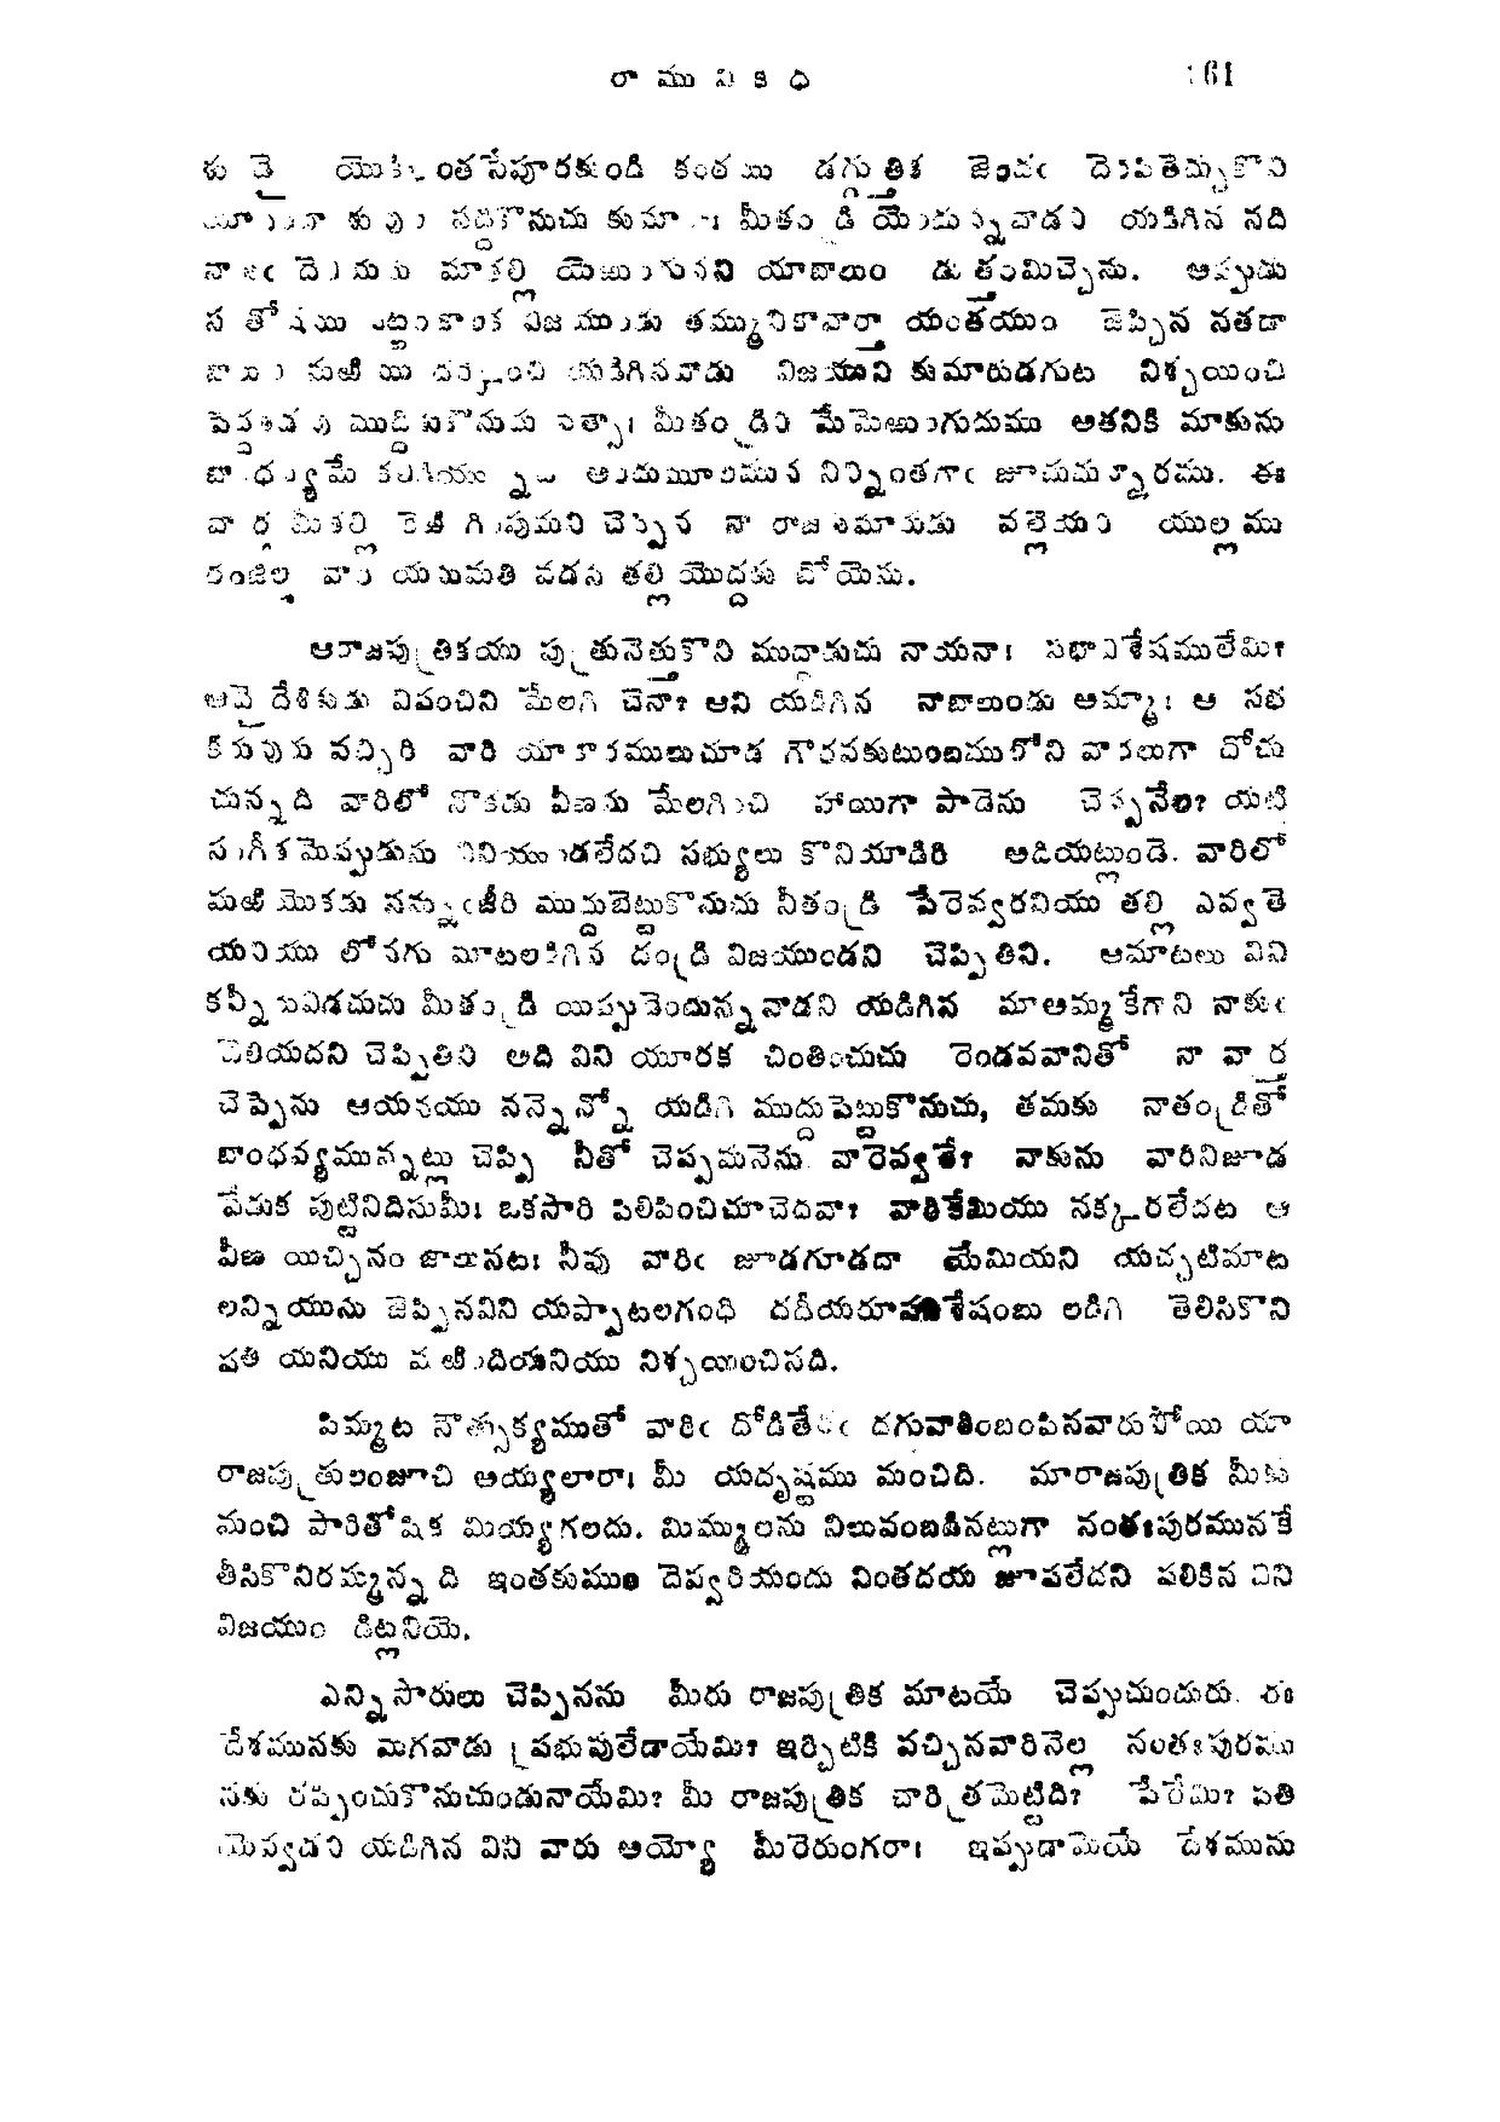శుండై యొక్కింతసేపూరకుండి కంఠము డగ్గుత్తిక జెందఁ దెరపితెచ్చుకొని యానందాశ్రువుల నద్దికొనుచు కుమారా? మీతండ్రి యెందున్నవాడని యడిగిన నది నాకుఁదెలియదు మాతల్లి యెఱుంగునని
యాబాలుం డుత్తరమిచ్చెను. అప్పుడు సంతోషము పట్టజాలక విజయుండు తమ్మునికావార్తా యంతయుం జెప్పిన నతడా బాలుని మఱియు దర్కించి యడిగినవాడు విజయుని కుమారుడగుట నిశ్చయించి పెద్దతడవు ముద్దిడుకొనుచు వత్సా! మీతండ్రిని మే మెఱుగుదుము అతనికి మాకును బాంధవ్యమే కలిగియున్నది. అందుమూలమున నిన్నింతగాఁ జూచుచున్నారము. ఈ వార్త మీతల్లి కెఱింగింపుమని చెప్పిన నా రాజకుమారుడు వల్లెయని యుల్లము రంజిల్ల వారి యనుమతి వడసి తల్లి యొద్దకు బోయెను.

ఆరాజపుత్రికయు పుత్రునెత్తుకొని ముద్దాడుచు నాయనా! సభావిశేషములేమి? ఆవైదేశికుడు విపంచిని మేలగించెనా? అని యడిగిన నాబాలుండు అమ్మా! ఆ సభ కిరువురు వచ్చిరి వారి యాకారములు చూడ గౌరవకుటుంబములోని వారలుగా దోచుచున్నది వారిలో నొకడు వీణను మేలగించి హాయిగా పాడెను చెప్పనేల? యట్టి సంగీతమెప్పుడును వినియుండలేదని సభ్యులు కొనియాడిరి అది యట్లుండె. వారిలో మఱియొకడు నన్నుఁ జీరి ముద్దుబెట్టుకొనుచు నీతండ్రిపే రెవ్వరనియు తల్లి ఎవ్వతె యనియు లోనగు మాటలడిగిన దండ్రి విజయుండని చెప్పితిని. ఆమాటలు విని కన్నీరు విడచుచు మీతండ్రి యిప్పు డెందున్నవాడని యడిగిన మాఅమ్మకేగాని నాకుఁ దెలియదని చెప్పితిని అది విని యూరక చింతించుచు రెండవవానితో నా వార్త చెప్పెను ఆయనయు నన్నెన్నో యడిగి ముద్దుపెట్టుకొనుచు, తమకు నాతండ్రితో బాంధవ్యమున్నట్లు చెప్పి నీతో చెప్పమనెను. వారెవ్వరే? నాకును వారినిజూడ వేడుక పుట్టినిదిసుమీ? ఒకసారి పిలిపించి చూచెదవా? వారికేమియు నక్కరలేదట ఆ వీణ యిచ్చినం జాలునట? నీవు వారిఁ జూడగూడదా యేమియని యచ్చటిమాట లన్నియును జెప్పినవిని యప్పాటలగంధి దదీయరూపవిశేషంబు లడిగి తెలిసికొని పతి యనియు మఱింది యనియు నిశ్చయించినది.

పిమ్మట నౌత్సుక్యముతో వారిఁ దోడితేరఁ దగువారింబంపినవారుపోయి యా రాజపుత్రులంజూచి అయ్యలారా! మీ యదృష్టము మంచిది. మారాజపుత్రిక మీకు మంచి పారితోషిక మియ్యగలదు. మిమ్ములను నిలువంబడినట్లుగా నంతఃపురమున కే తీసికొనిరమ్మన్నది ఇంతకుముం దెవ్వరియందు నింతదయ జూపలేదని పలికిన విని విజయుం డిట్లనియె.

ఎన్ని సారులు చెప్పినను మీరు రాజపుత్రిక మాటయే చెప్పుచుందురు. ఈ దేశమునకు మగవాడు ప్రభువు లేడా యేమి? ఇచ్చటికి వచ్చినవారినెల్ల నంతఃపురమునకు రప్పించుకొనుచుండునాయేమి? మీ రాజపుత్రిక చారిత్రమెట్టిది? పేరేమి? పతి యెవ్వడని యడిగిన విని వారు అయ్యో మీ రెరుంగరా? ఇప్పు డామెయే దేశమును